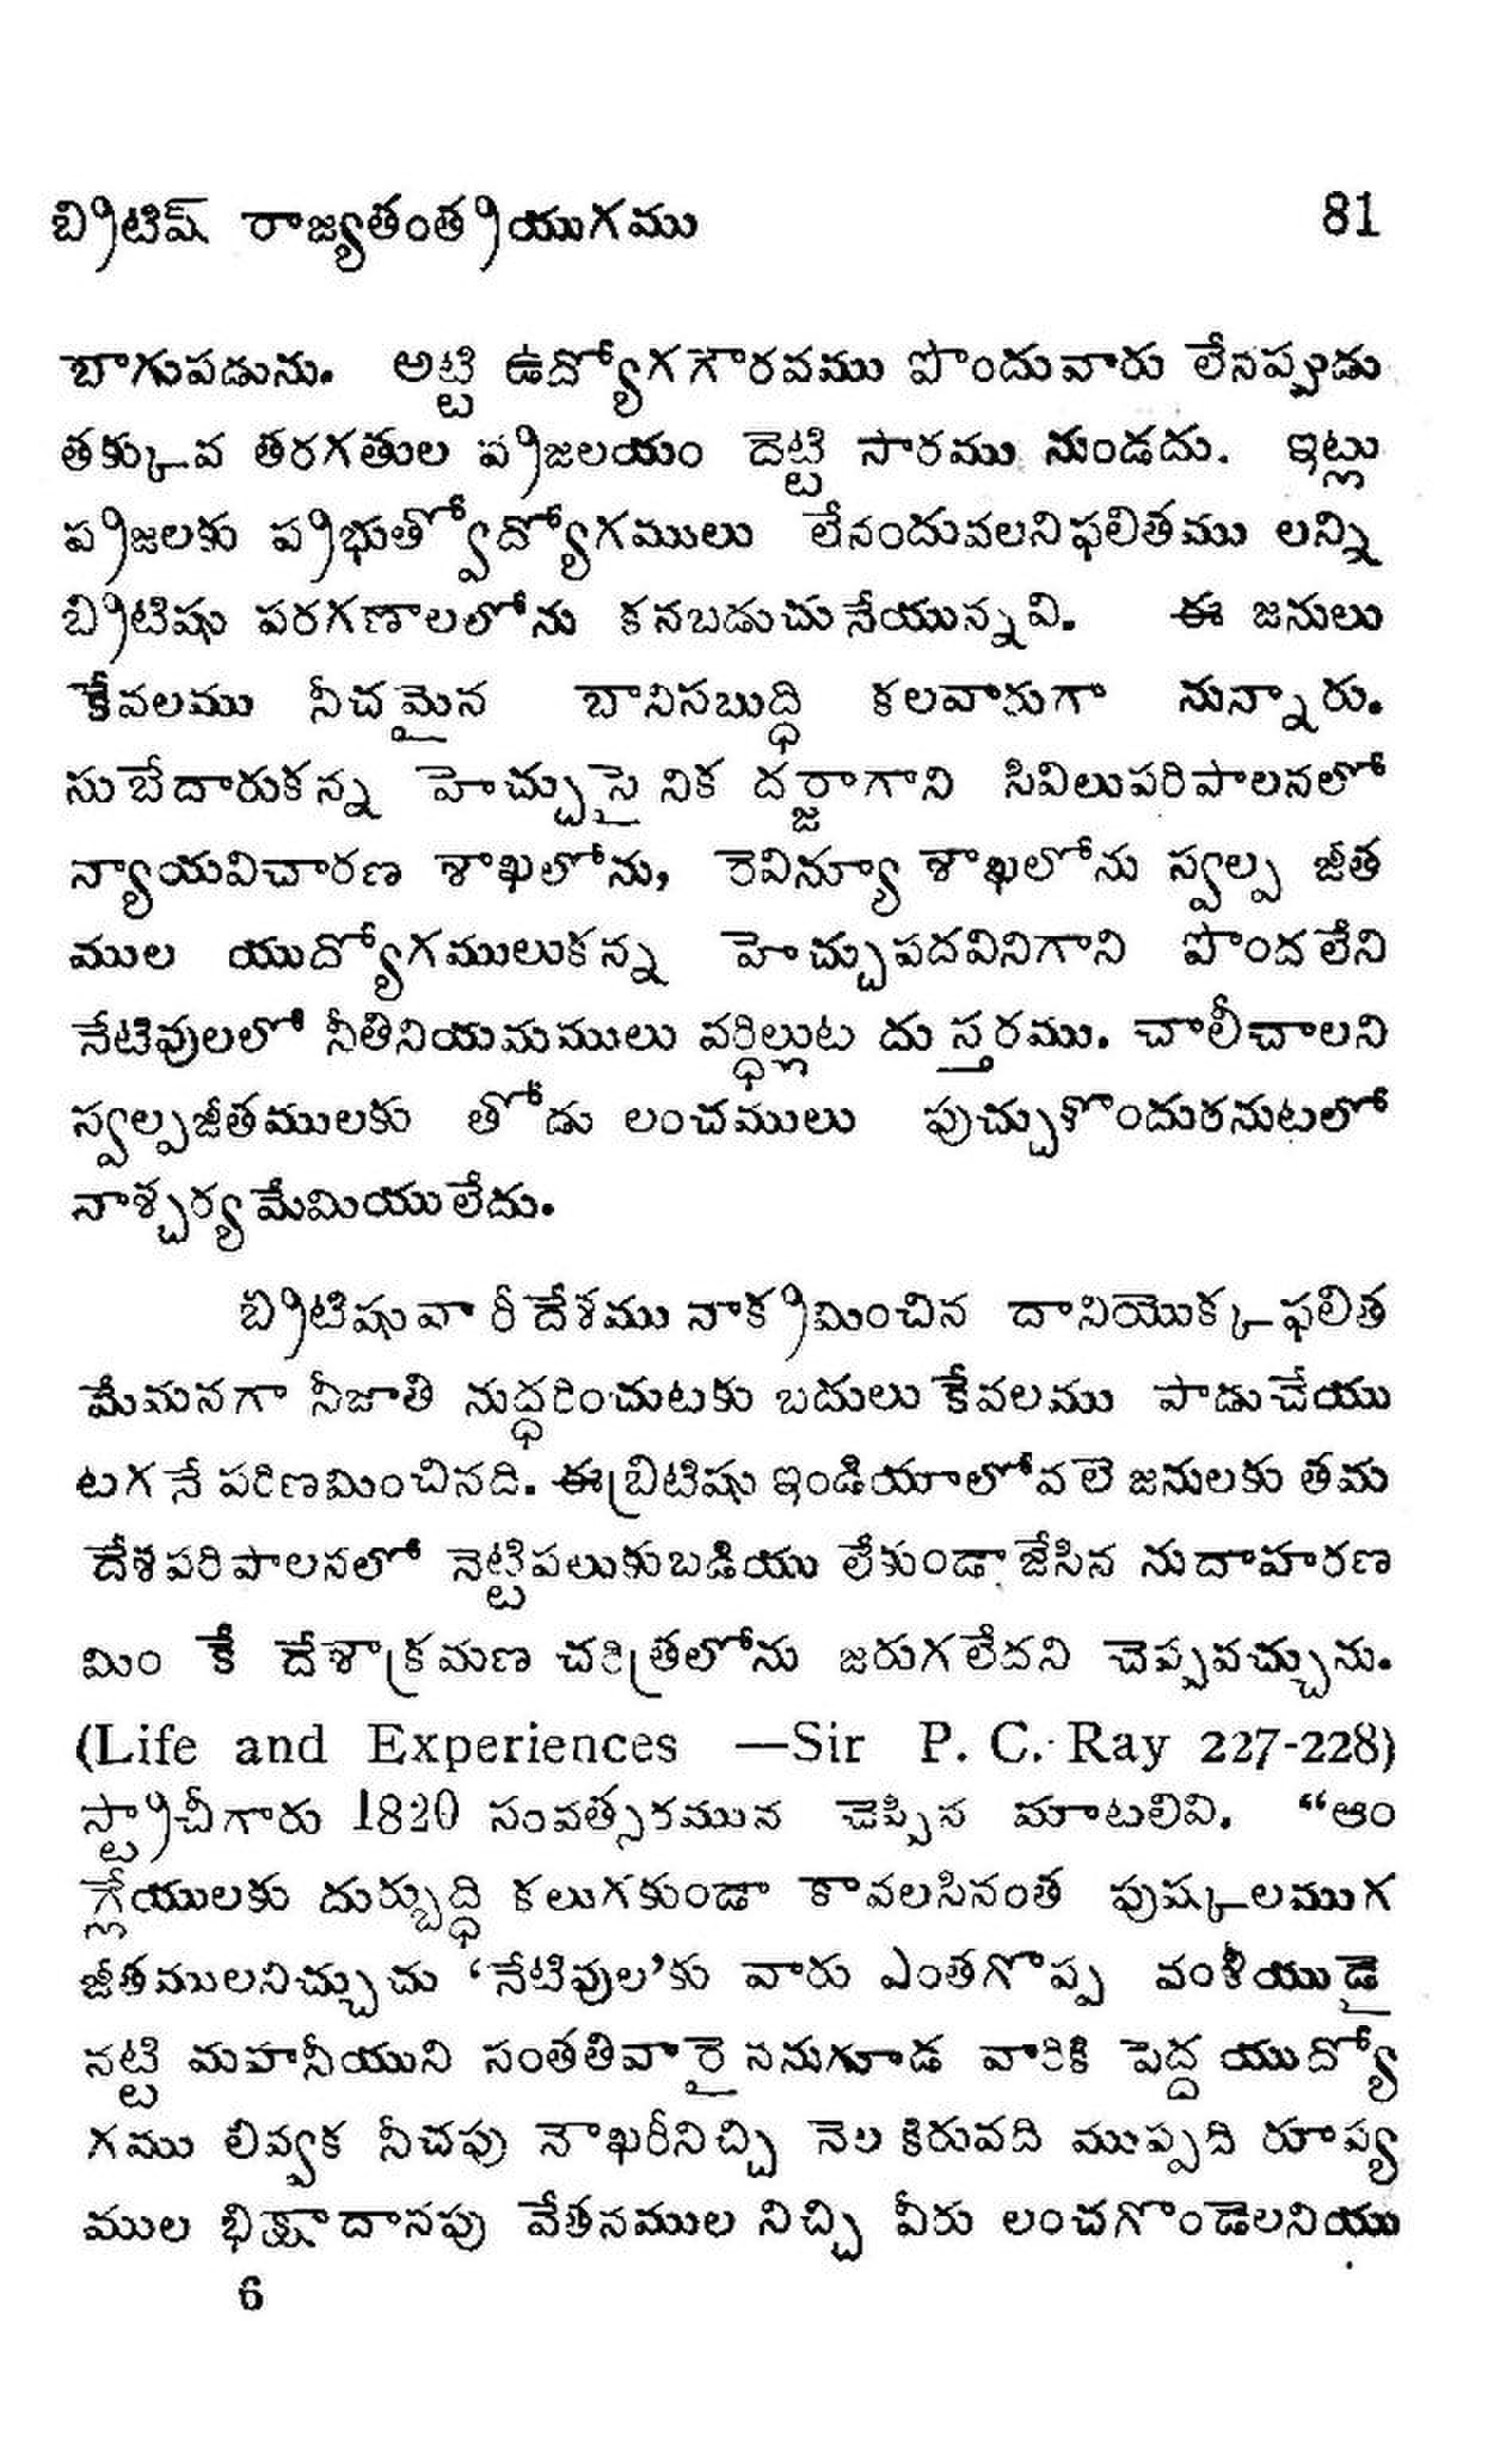బాగుపడును. అట్టి ఉద్యోగగౌరవము పొందువారు లేనప్పుడు తక్కువ తరగతుల ప్రజలయం దెట్టి సారము నుండదు. ఇట్లు ప్రజలకు ప్రభుత్వోద్యోగములు లేనందువలనిఫలితము లన్ని బ్రిటిషు పరగణాలలోను కనబడుచునేయున్నవి. ఈ జనులు కేవలము నీచమైన బానిసబుద్ధి కలవారుగా నున్నారు. సుబేదారుకన్న హెచ్చుసైనిక దర్జాగాని సివిలుపరిపాలనలో న్యాయవిచారణ శాఖలోను, రెవిన్యూశాఖలోను స్వల్ప జీతముల యుద్యోగములుకన్న హెచ్చుపదవినిగాని పొందలేని నేటివులలో నీతినియమములు వర్ధిల్లుట దుస్తరము. చాలీచాలని స్వల్పజీతములకు తోడు లంచములు పుచ్చుకొందురనుటలో నాశ్చర్యమేమియులేదు.

బ్రిటిషువారీదేశము నాక్రమించిన దానియొక్క ఫలిత మేమనగా నీజాతి నుద్దరించుటకు బదులు కేవలము పాడుచేయుటగనే పరిణమించినది. ఈబ్రిటిషు ఇండియాలోవలెజనులకు తమ దేశపరిపాలనలో నెట్టిపలుకుబడియు లేకుండాజేసిన నుదాహరణ మిం కే దేశాక్రమణ చరిత్రలోను జరుగలేదని చెప్పవచ్చును. (Life and Experiences -Sir P. C. Ray 227-228) స్ట్రాచీ గారు 1820 సంవత్సరమున చెప్పిన మాటలివి. “ఆంగ్లేయులకు దుర్బుద్ధి కలుగకుండా కావలసినంత పుష్కలముగ జీతములనిచ్చుచు 'నేటివుల'కు వారు ఎంతగొప్ప వంశీయుడైనట్టి మహనీయుని సంతతివారైననుగూడ వారికి పెద్ద యుద్యోగము లివ్వక నీచపు నౌఖరీనిచ్చి నెల కిరువది ముప్పది రూప్యముల భిక్షాదానపు వేతనముల నిచ్చి వీరు లంచగొండెలనియు